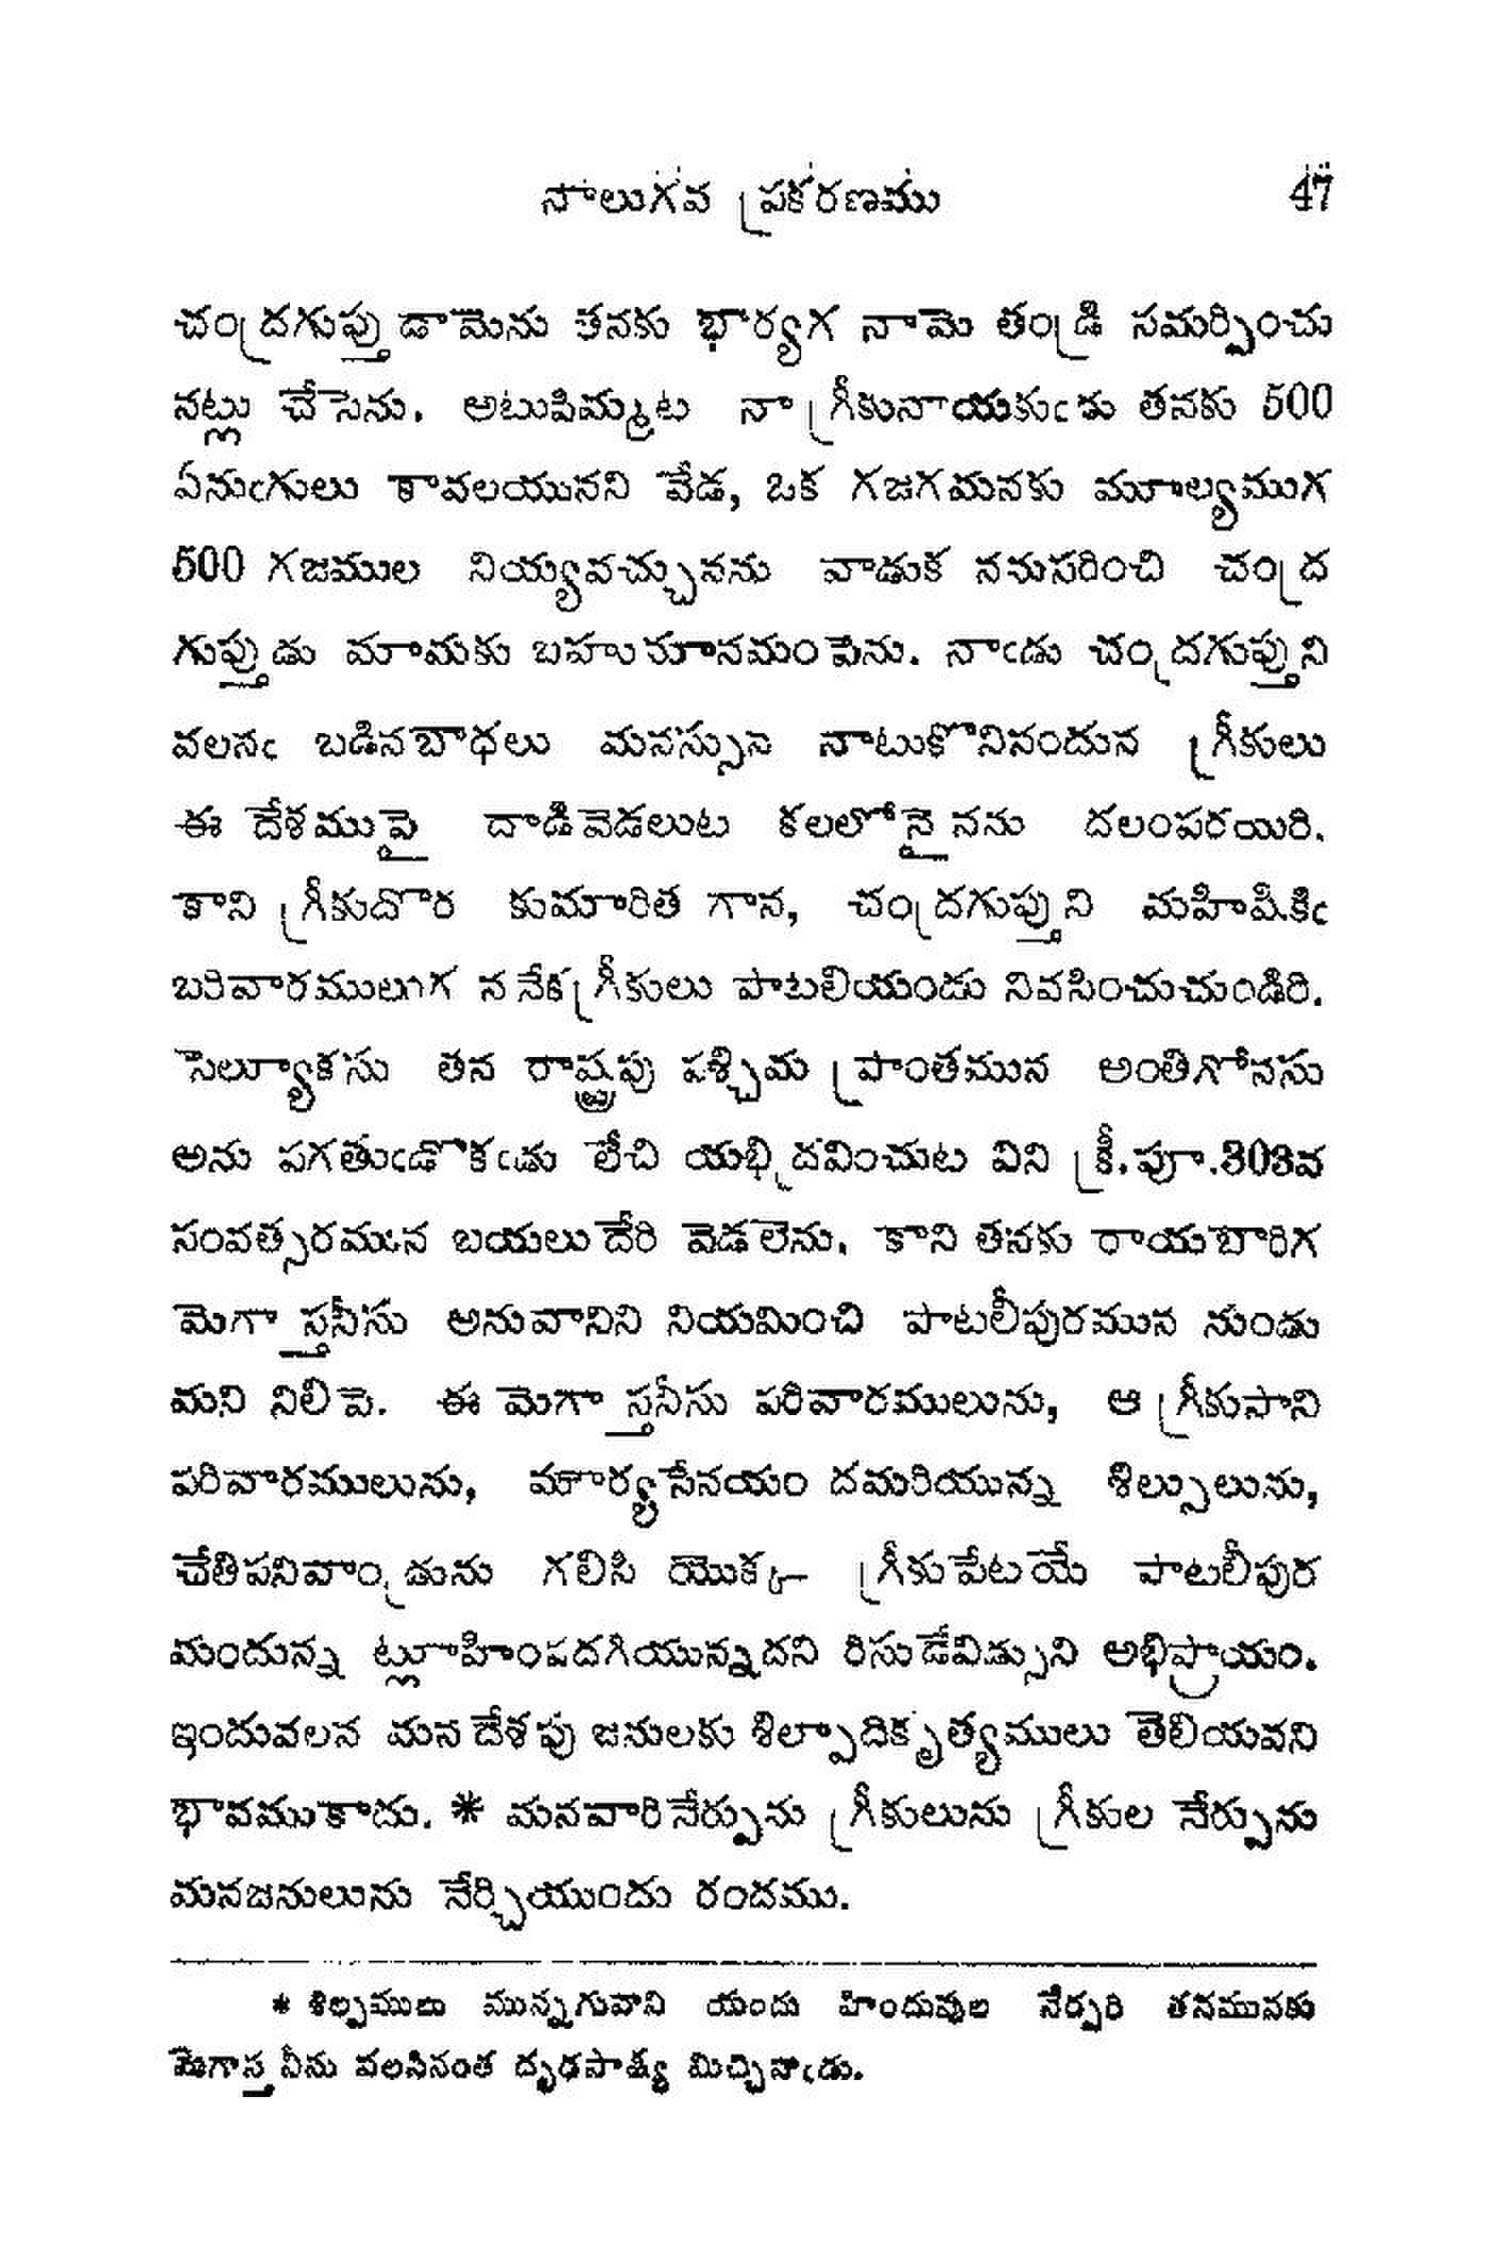చంద్రగుప్తు డామెను తనకు భార్యగ నామె తండ్రి సమర్పించు నట్లు చేసెను. అటుపిమ్మట నా గ్రీకునాయకుఁడు తనకు 500 ఏనుఁగులు కావలయునని వేడ, ఒక గజగమనకు మూల్యముగ 500 గజముల నియ్యవచ్చునను వాడుక నమసరించి చంద్రగుప్తుడు మామకు బహుమానమంపెను. నాఁడు చంద్రగుప్తుని వలనఁ బడిన బాధలు మనస్సున నాటుకొనినందున గ్రీకులు ఈ దేశముపై దాడి వెడలుట కలలోనైనను దలంపరయిరి. కాని గ్రీకుదొర కుమారిత గాన, చంద్రగుప్తుని మహిషికిఁ బరివారములుగ ననేక గ్రీకులు పాటలియందు నివసించుచుండిరి. సెల్యూకసు తన రాష్ట్రపు పశ్చిమ ప్రాంతమున అంతిగోనసు అను పగతుఁడొకఁడు లేచి యభిద్రవించుట విని క్రీ.పూ.303వ సంవత్సరమున బయలుదేరి వెడలెను. కాని తనకు రాయబారిగ మెగాస్తనీసు అనువానిని నియమించి పాటలీపురమున నుండుమని నిలిపె. ఈ మెగాస్తనీసు పరివారములును, ఆ గ్రీకుసాని పరివారములును, మౌర్యసేనయం దమరియున్న శిల్పులును, చేతిపనివాండ్రును గలిసి యొక్క గ్రీకుపేటయే పాటలీపురమందున్న ట్లూహింపదగియున్నదని రిసుడేవిడ్సుని అభిప్రాయం. ఇందువలన మనదేశపు జనులకు శిల్పాదికృత్యములు తెలియవని భావముకాదు. * మనవారినేర్పును గ్రీకులును గ్రీకుల నేర్పును మనజనులును నేర్చియుందు రందము.